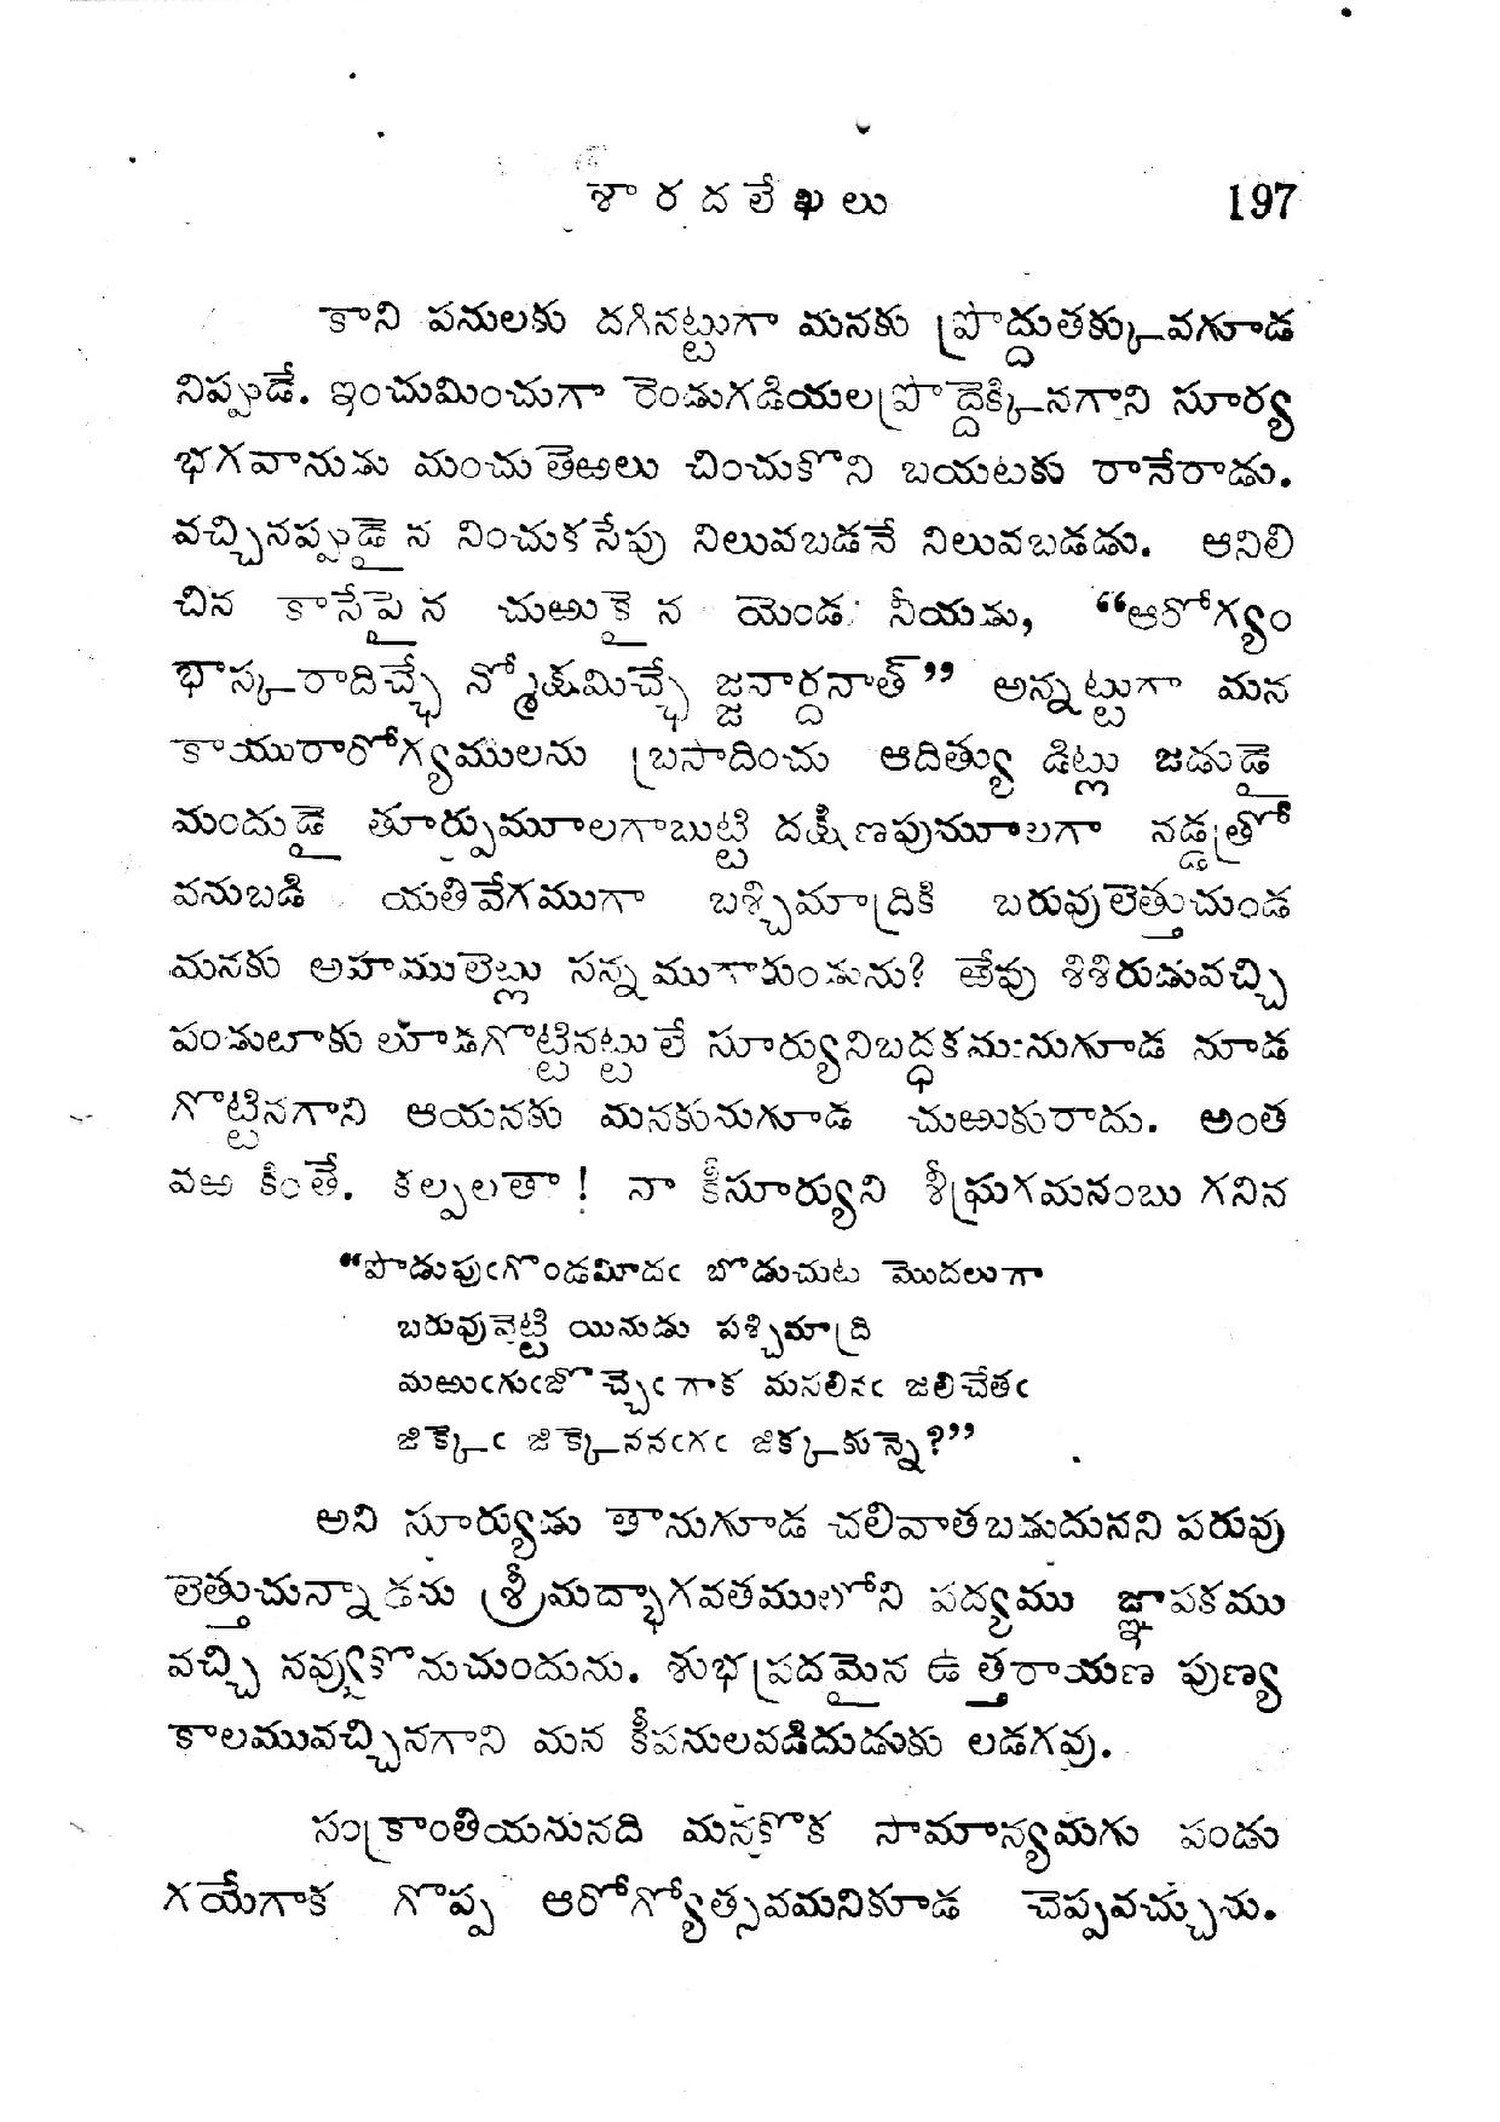కాని పనులకు దగినట్టుగా మనకు ప్రొద్దుతక్కువగూడ నిప్పుడే. ఇంచుమించుగా రెండుగడియలప్రొద్దెక్కిన గాని సూర్యభగవానుడు మంచుతెఱలు చించుకొని బయటకు రానేరాడు. వచ్చినప్పుడైన నించుకసేపు నిలువబడనే నిలువబడడు. ఆనిలిచిన కాసేపైన చుఱుకైన యెండ నీయడు, “ఆరోగ్యం భాస్కరాదిచ్ఛే న్మోక్షమిచ్ఛే జ్జనార్దనాత్" అన్నట్టుగా మన కాయురారోగ్యములను బ్రసాదించు ఆదిత్యు డిట్లు జడుడై
మందుడై తూర్పుమూలగాబుట్టి దక్షిణపుమూలగా నడ్డత్రోవనుబడి యతివేగముగా బశ్చిమాద్రికి బరువులెత్తుచుండ మనకు అహములెట్లు సన్నముగారుండును? ఱేపు శిశిరుడువచ్చి పండుటాకు లూడగొట్టినట్టులే సూర్యునిబద్ధకమునుగూడ నూడగొట్టినగాని ఆయనకు మనకునుగూడ చుఱుకురాదు. అంత వఱ కింతే. కల్పలతా! నా కీసూర్యుని శీఘ్రగమనంబు గనిన

"పొడుపుఁగొండమీదఁ బొడుచుట మొదలుగా
 బరువువెట్టి యినుడు పశ్చిమాద్రి
 మఱుఁగుఁజొచ్చెఁగాక మసలినఁ జలిచేతఁ
 జిక్కెఁ జిక్కెననఁగఁ జిక్కకున్నె?”

అని సూర్యుడు తానుగూడ చలివాతబడుదునని పరువులెత్తుచున్నాడను శ్రీమద్భాగవతములోని పద్యము జ్ఞాపకమువచ్చి నవ్వుకొనుచుందును. శుభప్రదమైన ఉత్తరాయణ పుణ్యకాలమువచ్చినగాని మన కీపనులవడిదుడుకు లడగవు.

సంక్రాంతియనునది మనకొక సామాన్యమగు పండుగయేగాక గొప్ప ఆరోగ్యోత్సవమనికూడ చెప్పవచ్చును.